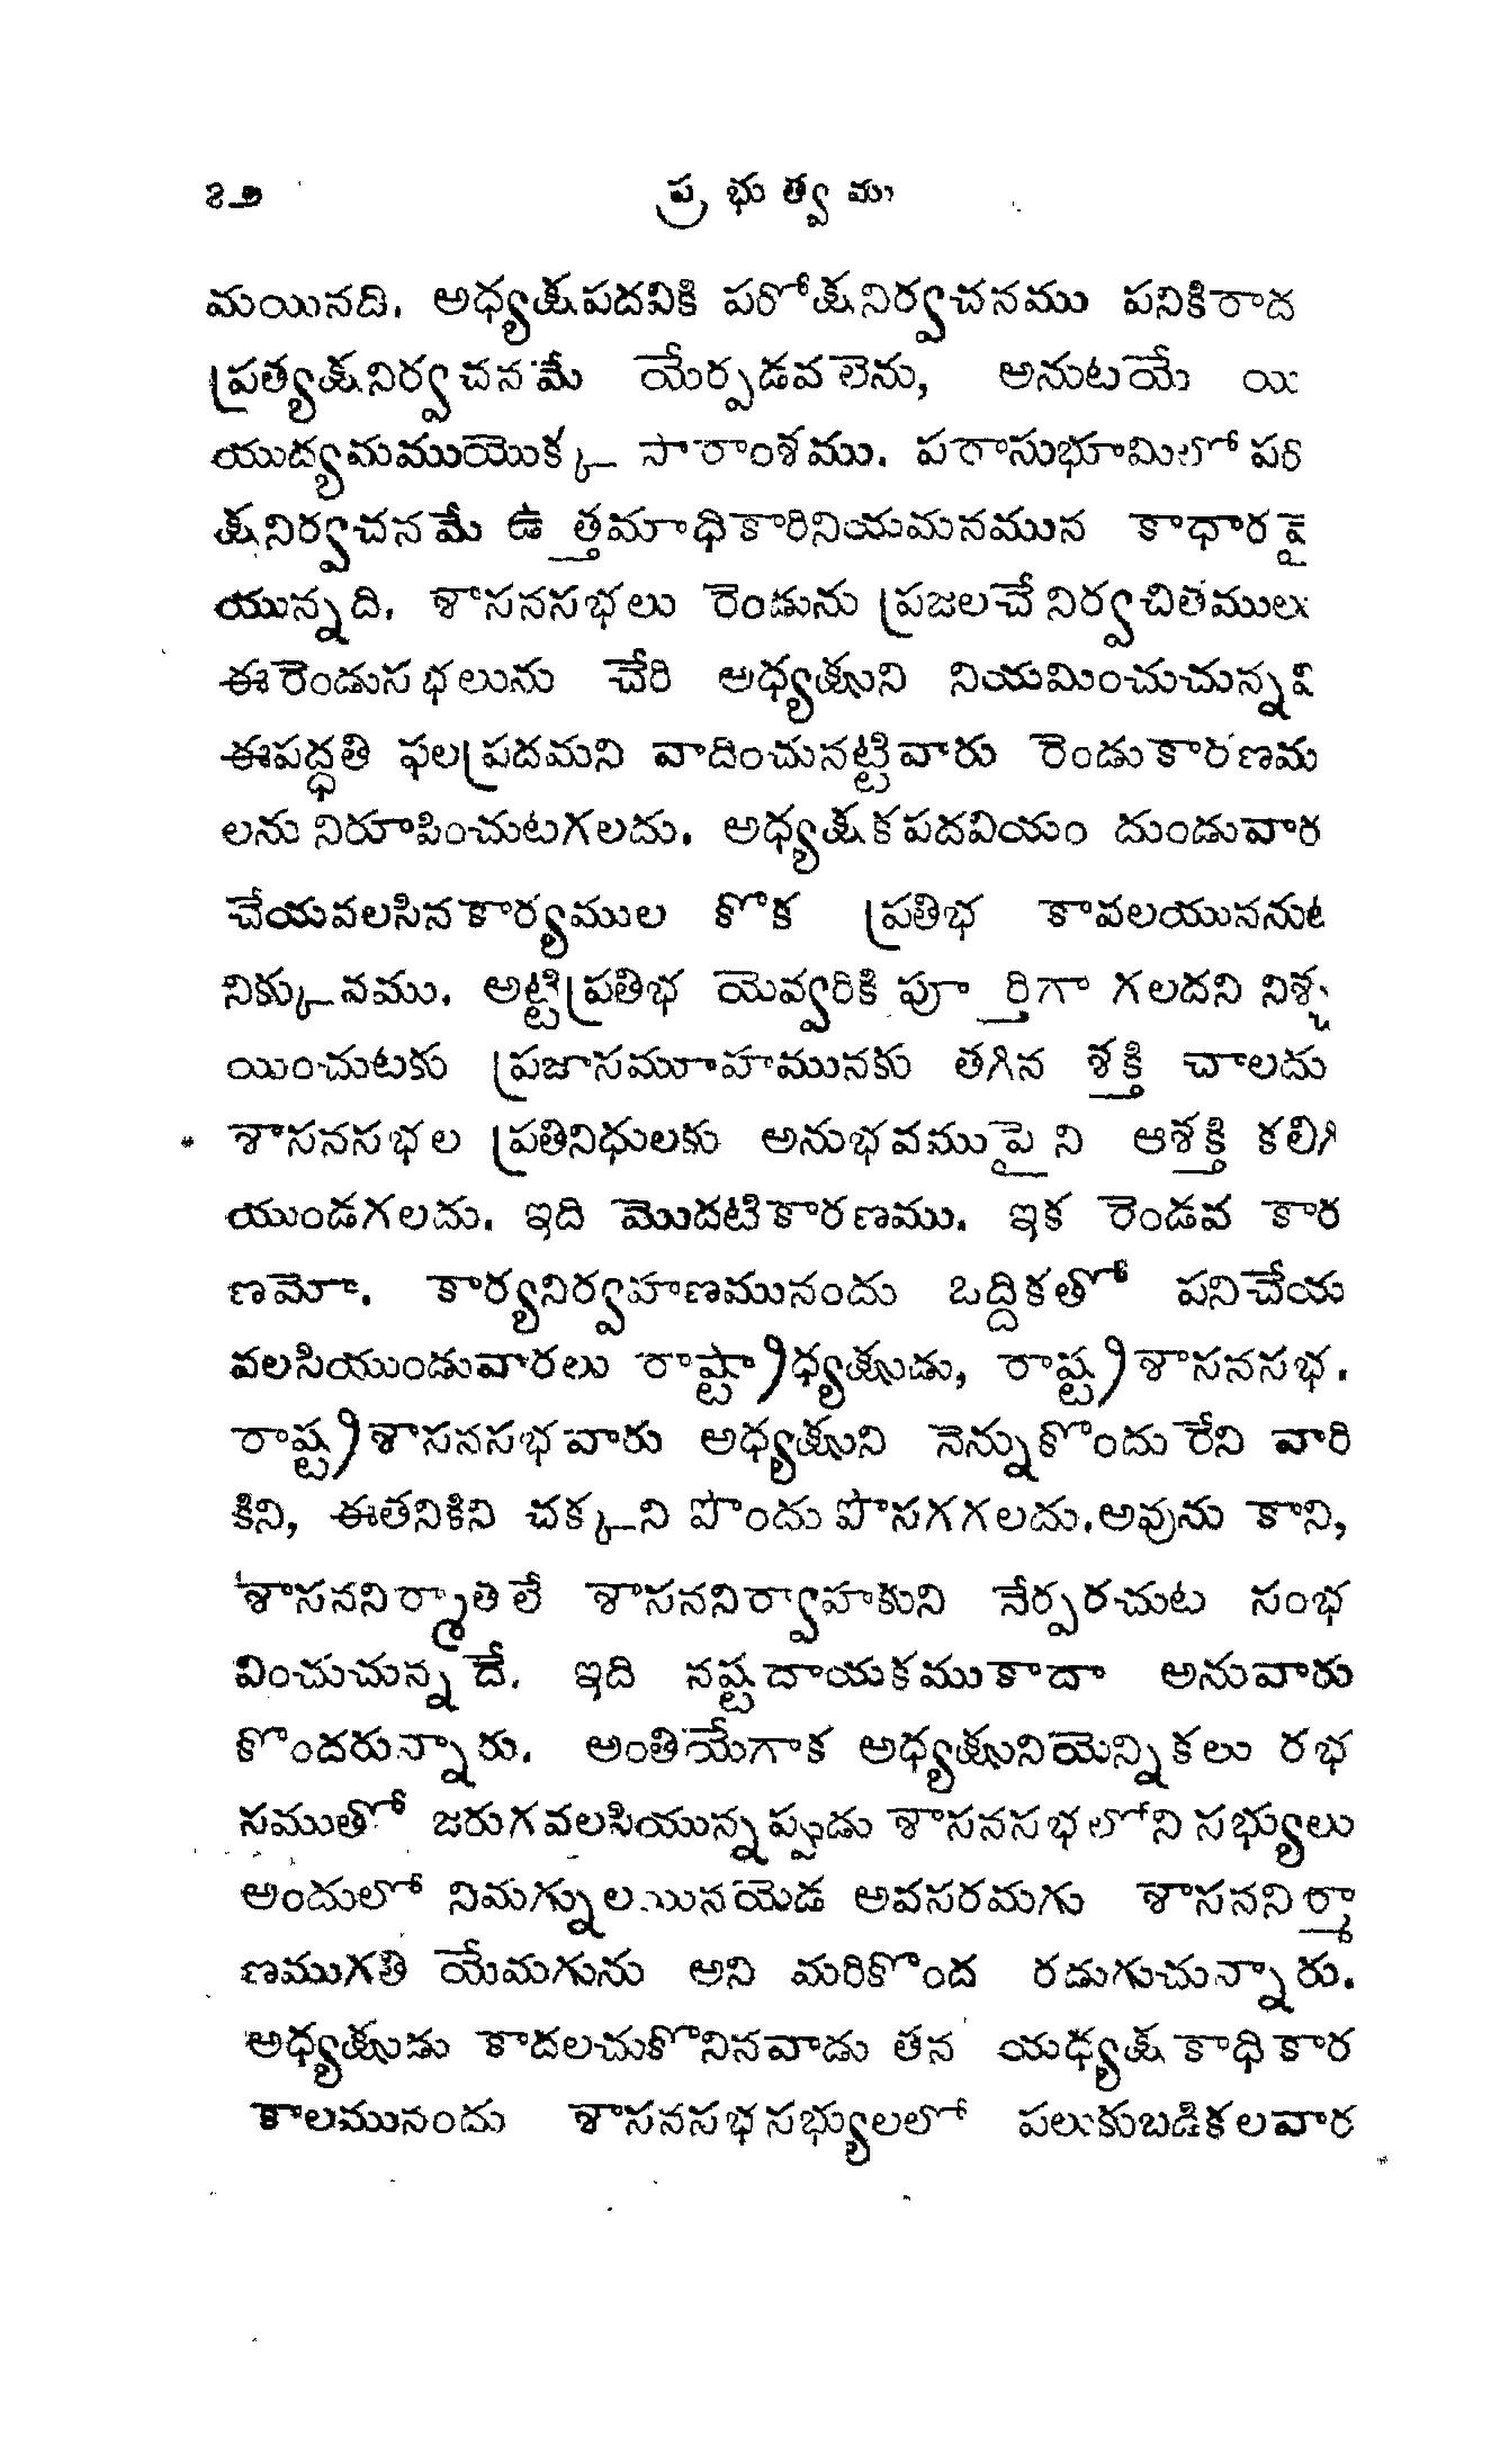మయినది. అధ్యక్షపదవికి పరోక్షనిర్వచనము పనికిరాదు. ప్రత్యక్షనిర్వచనమే యేర్పడవలెను, అనుటయే యీ యుద్యమముయొక్క సారాంశము. పరాసుభూమిలో పరోక్షనిర్వచనమే ఉత్తమాధికారి నియమనమున కాధారమై యున్నది. శాసనసభలు రెండును ప్రజలచే నిర్వచితములు. ఈరెండు సభలును చేరి అధ్యక్షుని నియమించుచున్నవి. ఈపద్ధతి ఫలప్రదమని వాదించునట్టివారు రెండు కారణములను నిరూపించుటగలదు. అధ్యక్షకపదవియం దుండువారు చేయవలసినకార్యముల కొక ప్రతిభ కావలయుననుట నిక్కువము. అట్టిప్రతిభ యెవ్వరికి పూర్తిగా గలదని నిశ్చయించుటకు ప్రజాసమూహమునకు తగిన శక్తి చాలదు శాసనసభల ప్రతినిధులకు అనుభవముపైని ఆశక్తి కలిగి
యుండగలదు. ఇది మొదటికారణము. ఇక రెండవ కారణమో, కార్యనిర్వహణమునందు ఒద్దికతో పనిచేయవలసియుండువారలు రాష్ట్రాధ్యక్షుడు, రాష్ట్ర శాసనసభ. రాష్ట్రశాసనసభవారు అధ్యక్షుని నెన్నుకొందురేని వారికిని, ఈతనికిని చక్కని పొందు పొసగగలదు. అవును కాని, శాసననిర్మాతలే శాసననిర్వాహకుని నేర్పరచుట సంభవించుచున్నదే. ఇది నష్టదాయకముకాదా అనువారు
కొందరున్నారు. అంతియేగాక అధ్యక్షునియెన్నికలు రభసముతో జరుగవలసియున్నప్పుడు శాసనసభలోనిసభ్యులు అందులో నిమగ్నులయినయెడ అవసరమగు శాసననిర్మాణముగతి యేమగును అని మరికొంద రడుగుచున్నారు. అధ్యక్షుడు కాదలచుకొనినవాడు తన యధ్యక్ష కాధికార
కాలమునందు శాసనసభసభ్యులలో పలుకుబడికలవార